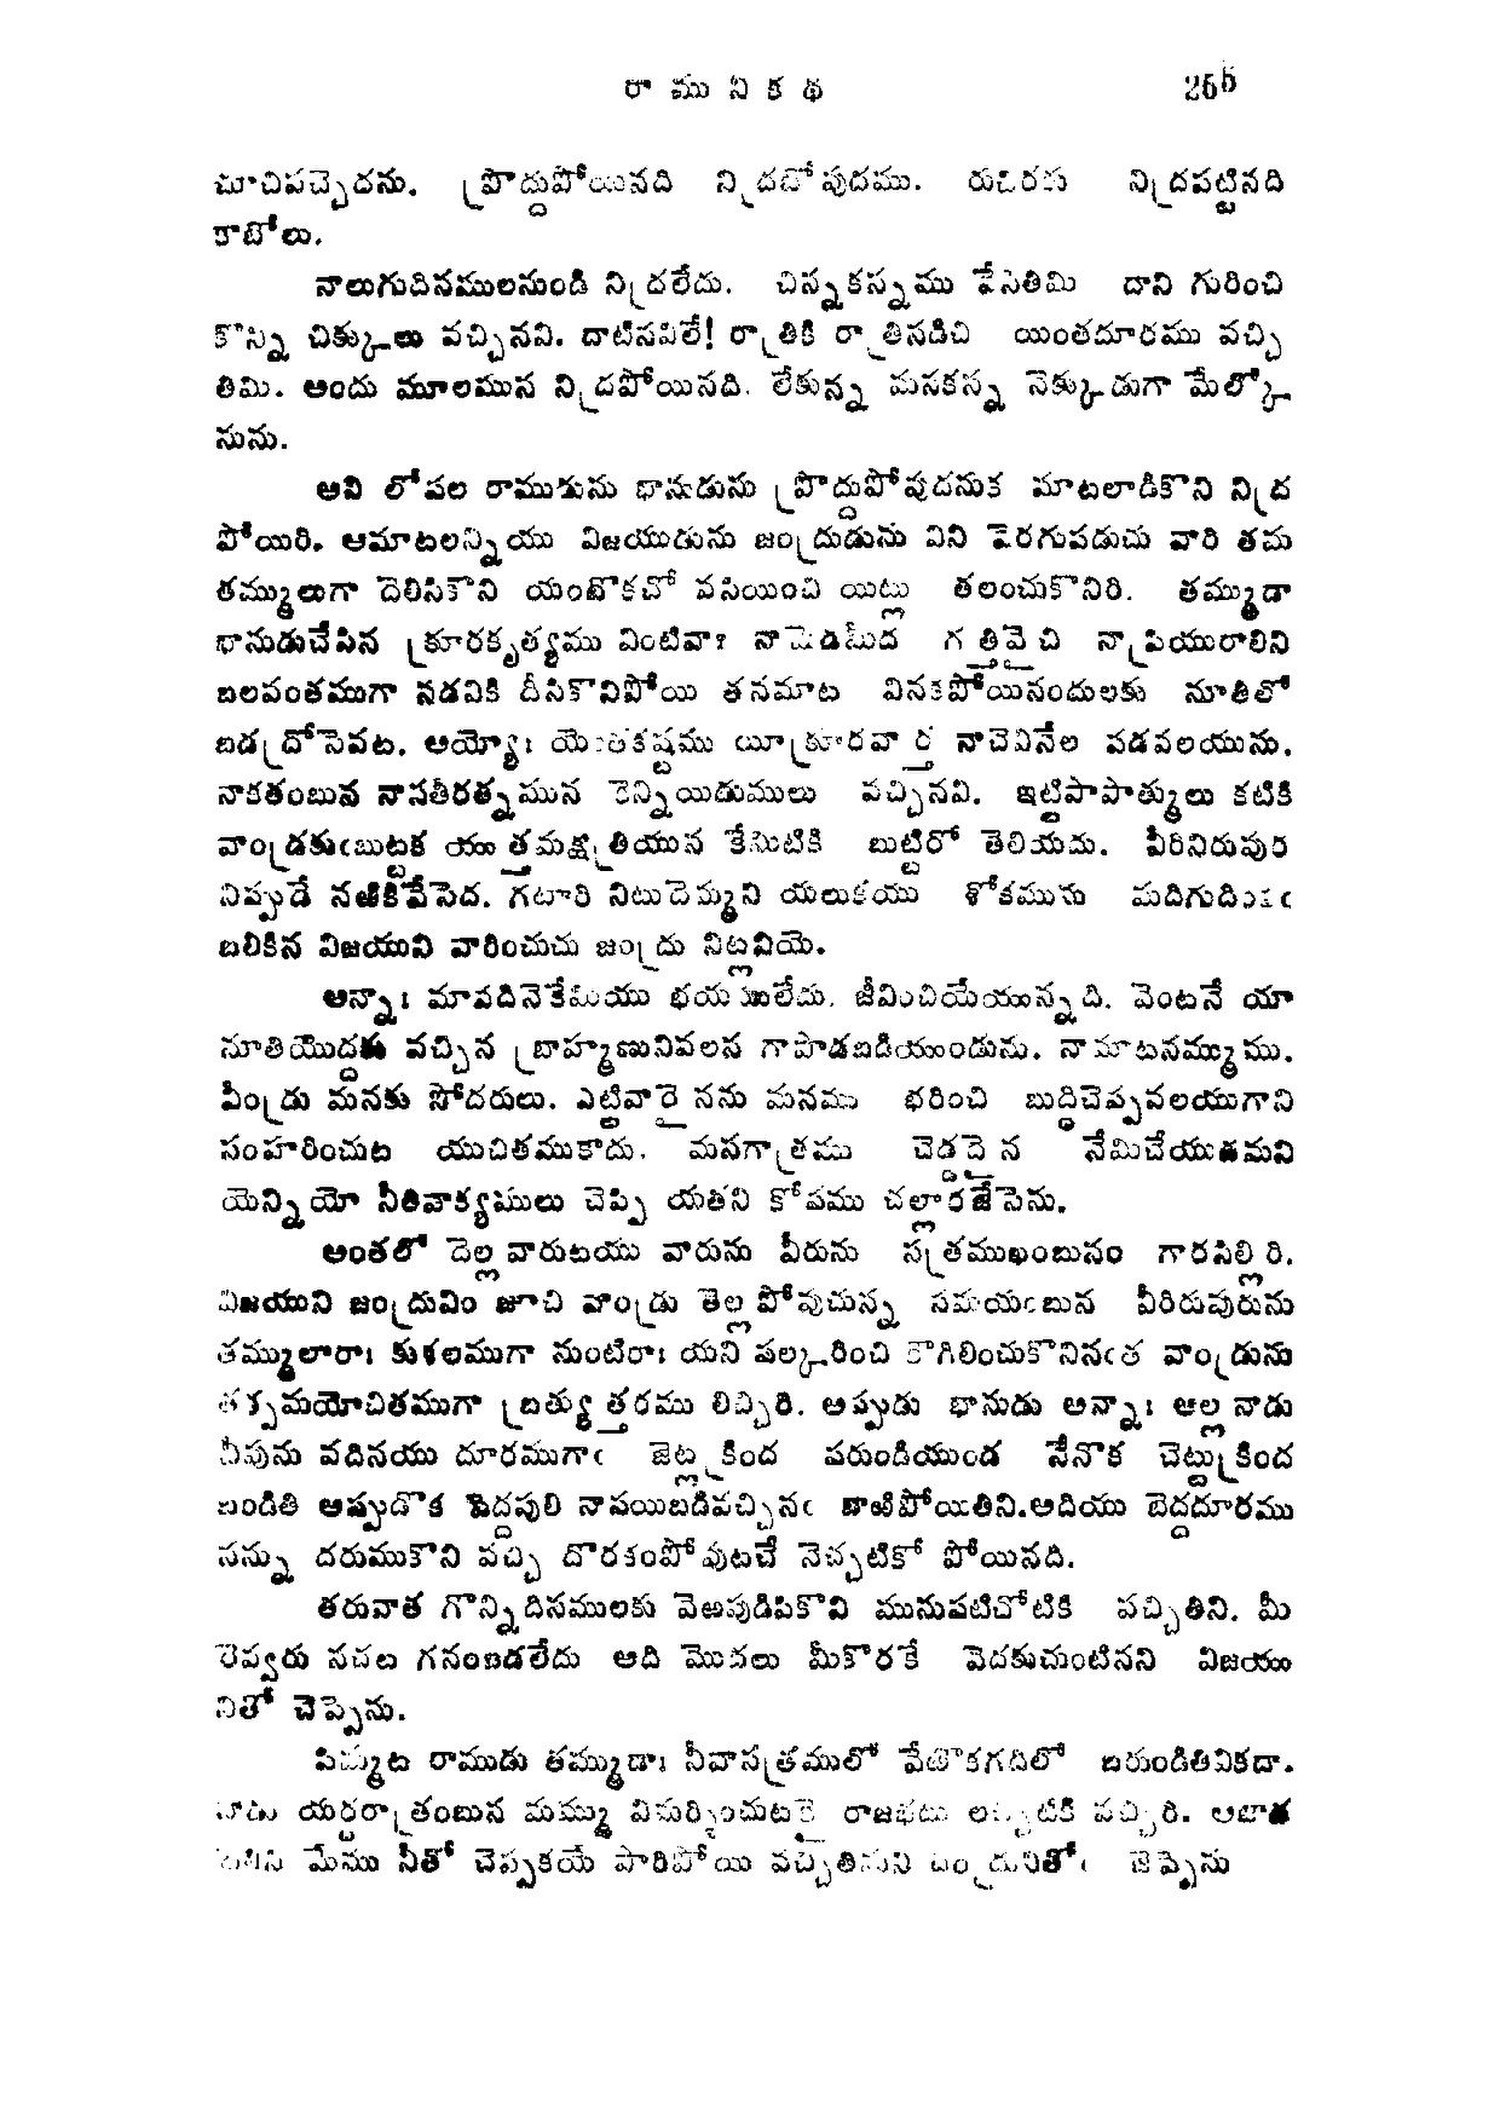చూచివచ్చెదను. ప్రొద్దుపోయినది నిద్రబోవుదము. రుచిరకు నిద్రపట్టినది కాబోలు.

నాలుగుదినములనుండి నిద్రలేదు. చిన్న కన్నము వేసితిమి దాని గురించి కొన్ని చిక్కులు వచ్చినవి. దాటినవిలే! రాత్రికి రాత్రినడిచి యింతదూరము వచ్చితిమి. అందు మూలమున నిద్రపోయినది. లేకున్న మనకన్న నెక్కుడుగా మేల్కొనును.

అని లోపల రాముడును భానుడును ప్రొద్దుపోవుదనుక మాటలాడికొని నిద్ర పోయిరి. ఆమాటలన్నియు విజయుడును జంద్రుడును విని వెరగుపడుచు వారి తమ తమ్ములుగా దెలిసికొని యందొకచో వసియించి యిట్లు తలంచుకొనిరి. తమ్ముడా భానుడుచేసిన క్రూరకృత్యము వింటివా? నామెడమీద గత్తివైచి నాప్రియురాలిని బలవంతముగా నడవికి దీసికొనిపోయి తనమాట వినకపోయినందులకు నూతిలో బడద్రోసెనట. అయ్యో! యెంతకష్టము యీక్రూరవార్త నాచెవినేల పడవలయును. నాకతంబున నాసతీరత్నమున కెన్ని యిడుములు వచ్చినవి. ఇట్టిపాపాత్ములు కటికివాండ్రకుఁ బుట్టక యుత్తమక్షత్రియున కేమిటికి బుట్టిరో తెలియదు. వీరినిరువుర నిప్పుడే నఱికివేసెద. గటారి నిటుదెమ్మని యలుకయు శోకమును మదిగుదింపఁ బలికిన విజయుని వారించుచు జందు నిట్లనియె.

అన్నా! మావదినెకేమియు భయములేదు. జీవించియేయున్నది. వెంటనే యా నూతియొద్దకు వచ్చిన బ్రాహ్మణునివలన గాపాడబడియుండును. నామాట నమ్ముము. వీండ్రు మనకు సోదరులు. ఎట్టివారైనను మనము భరించి బుద్దిచెప్పవలయుగాని సంహరించుట యుచితముకాదు. మసగాత్రము చెడ్డదైన నేమిచేయుదమని యెన్నియో నీతివాక్యములు చెప్పి యతిని కోపము చల్లారజేసెను.

అంతలో దెల్లవారుటయు వారును వీరును సత్రముఖంబునం గారసిల్లిరి. విజయుని జంద్రునిం జూచి వాండ్రు తెల్లపోవుచున్న సమయంబున వీరిరువురును తమ్ములారా! కుశలముగా నుంటిరా! యని పల్కరించి కౌగిలించుకొనినంత వాండ్రును తత్సమయోచితముగా బ్రత్యుత్తరము లిచ్చిరి. అప్పుడు భానుడు అన్నా! ఆల్ల నాడు నీవును వదినయు దూరముగాఁ జెట్లక్రింద పరుండియుండ నేనొక చెట్టుక్రింద బండితి అప్పుడొక పెద్దపులి నాపయిబడివచ్చినఁ బాఱిపోయితిని. అదియు బెద్దదూరము నన్ను దరుముకొని వచ్చి దొరకంపోవుటచే నెచ్చటికో పోయినది.

తరువాత గొన్నిదినములకు వెఱపుడిపికొని మునుపటిచోటికి వచ్చితిని. మీ రెవ్వరు నచట గనంబడలేదు. అది మొదలు మీకొరకే వెదకుచుంటినని విజయునితో చెప్పెను.

పిమ్మట రాముడు తమ్ముడా! నీవాసత్రములో వేఱొకగదిలో బరుండితివికదా. నాడు యర్ధరాత్రంబున మమ్ము విమర్శించుటకై రాజభటులు లచ్చటికి వచ్చిరి. ఆజాడ దెలిసి మేము నీతో చెప్పకయే పారిపోయి వచ్చితిమని చంద్రునితోఁ జెప్పెను